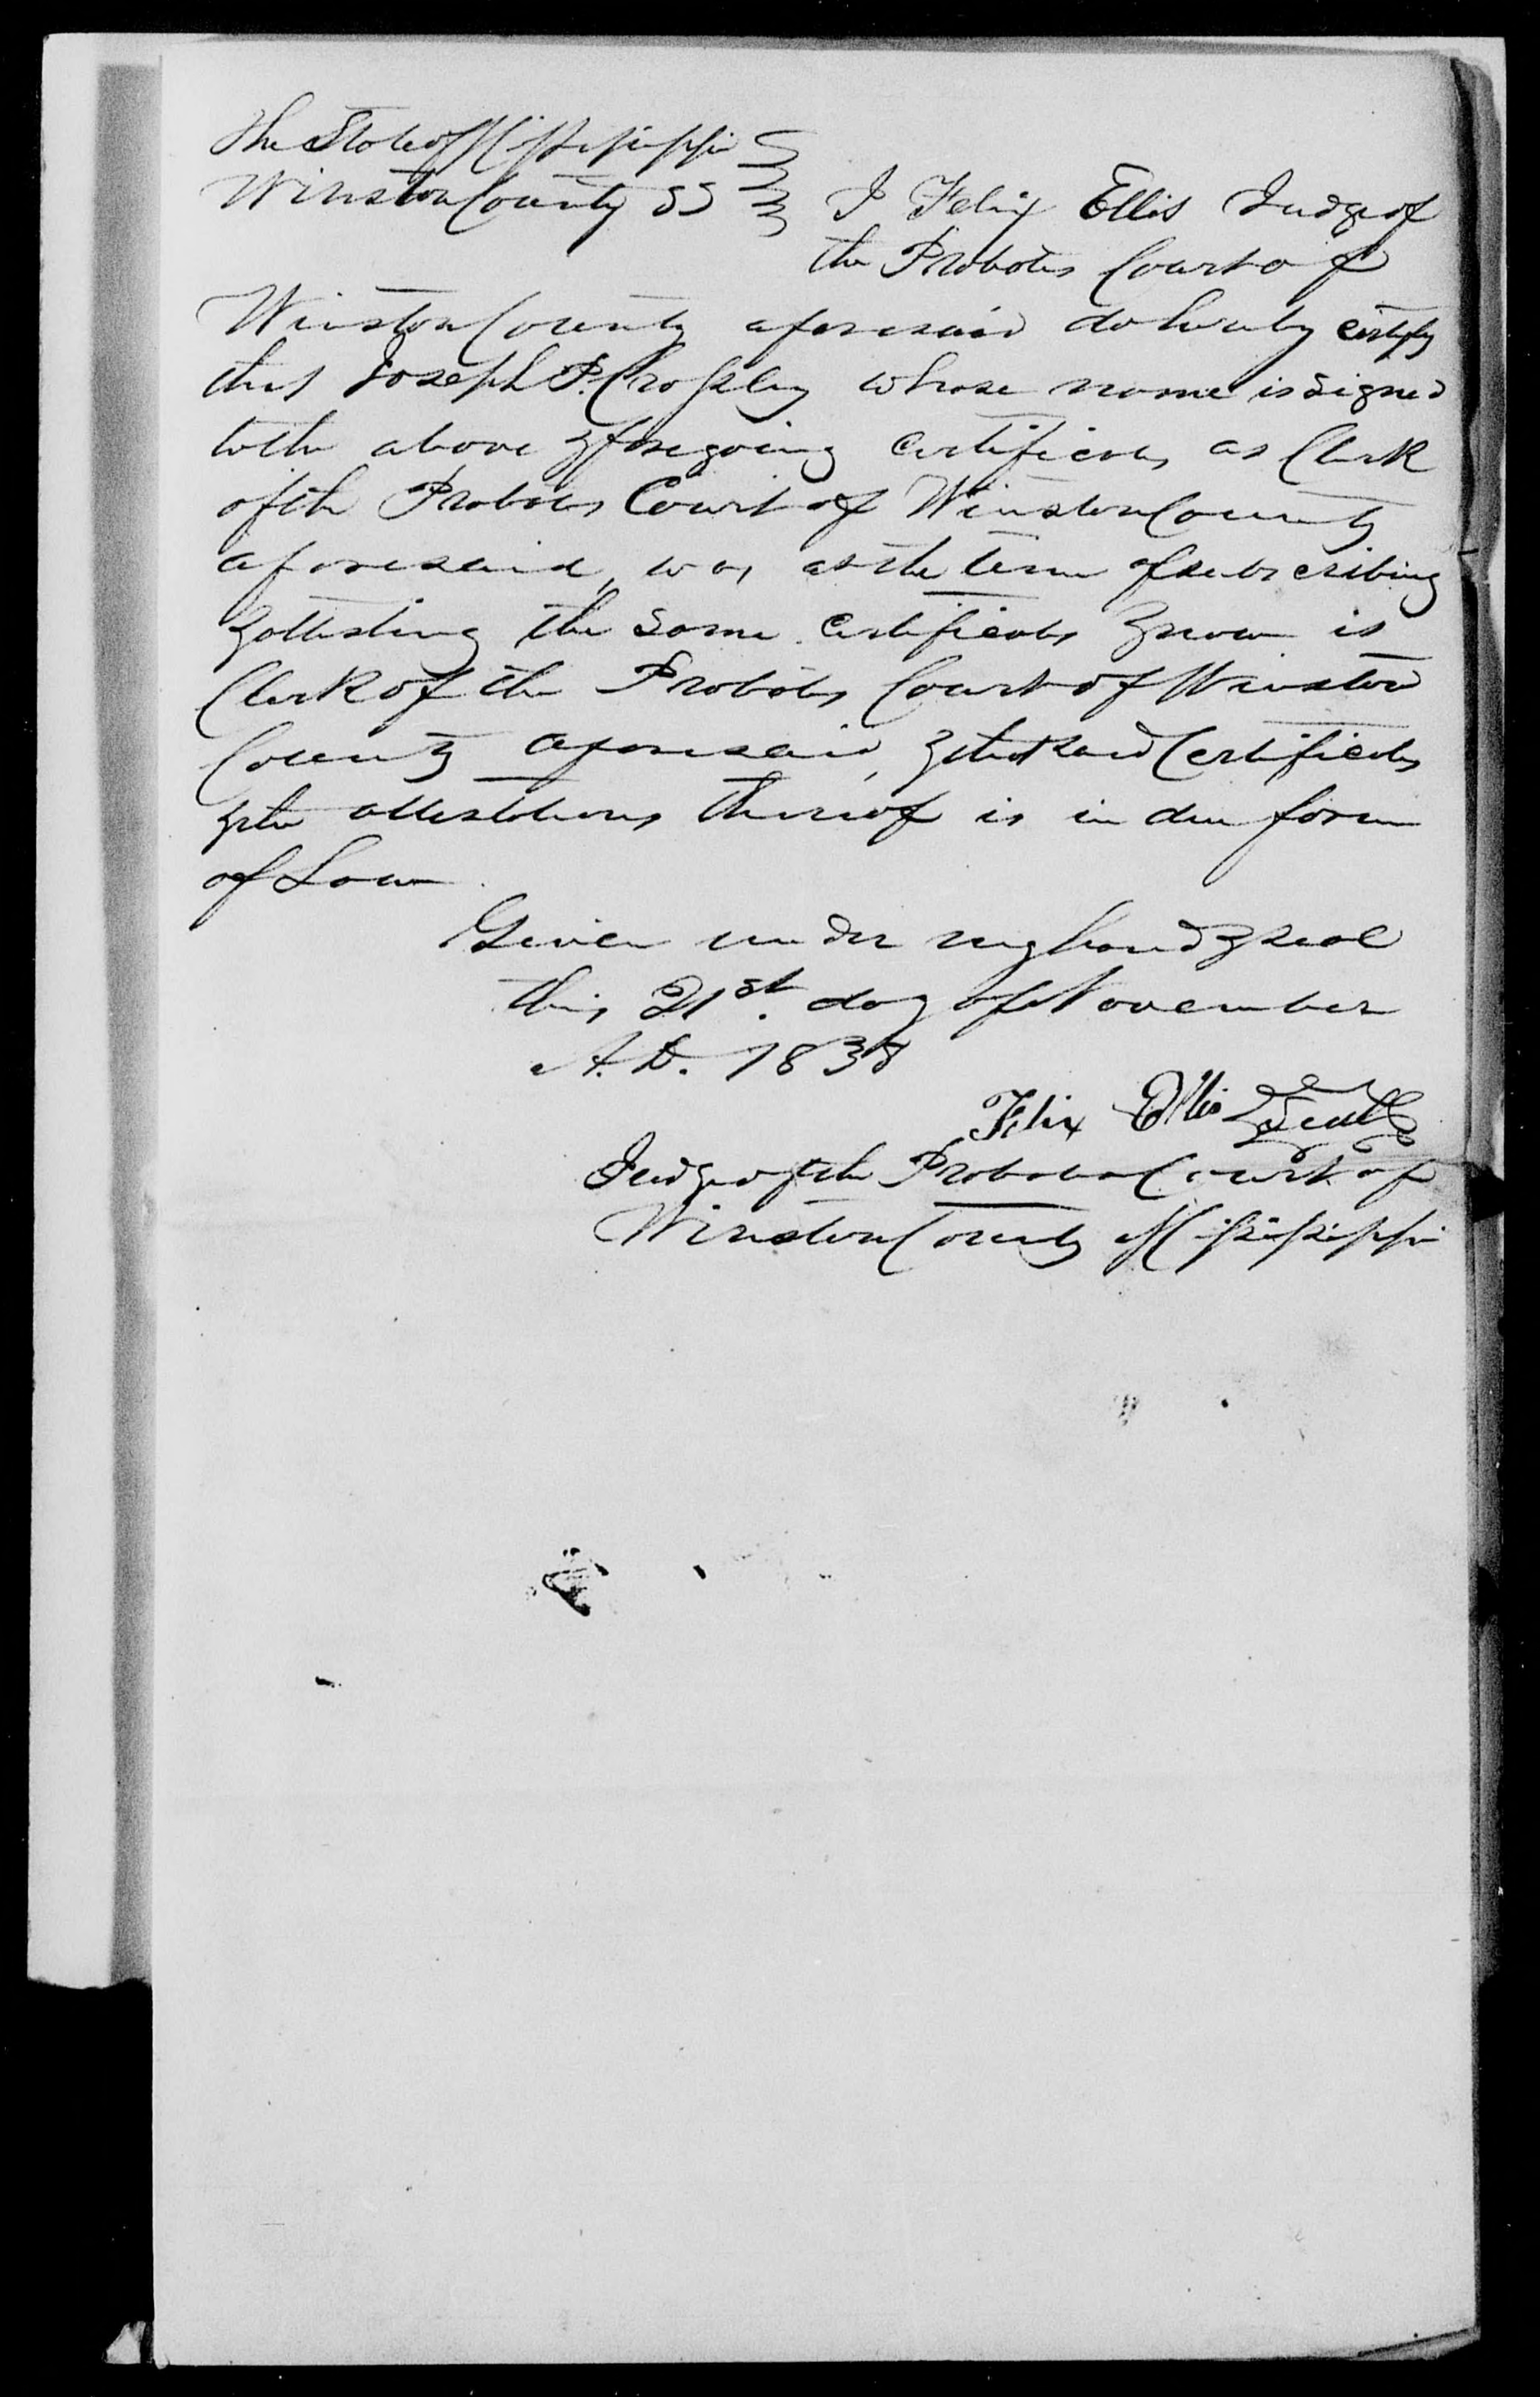The State of Mississippi
Winston County SS
⎬
I Felix Ellis Judge of
the Probate Court of
Winston County aforesaid do hereby certify
that Joseph P. Crossley whose name is signed
to the above & foregoing certificate as Clerk
of the Probate Court of Winston County
aforesaid, was at the time of subscribing
& attesting the same certificate & now is
Clerk of the Probate Court of Winston
County aforesaid, & that said Certificate
& the attestations thereof is in due form
of Law
Given under my hand & seal
this 21st day of November
A.D. 1838
Felix Ells
 Seal
Judge of the Probate Court of
Winston County Mississippi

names: Joseph P Crossley, Felix Ellis, Felix Ellis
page: 24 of 85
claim: widow's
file: W. 5,906, John Brown, S.C.